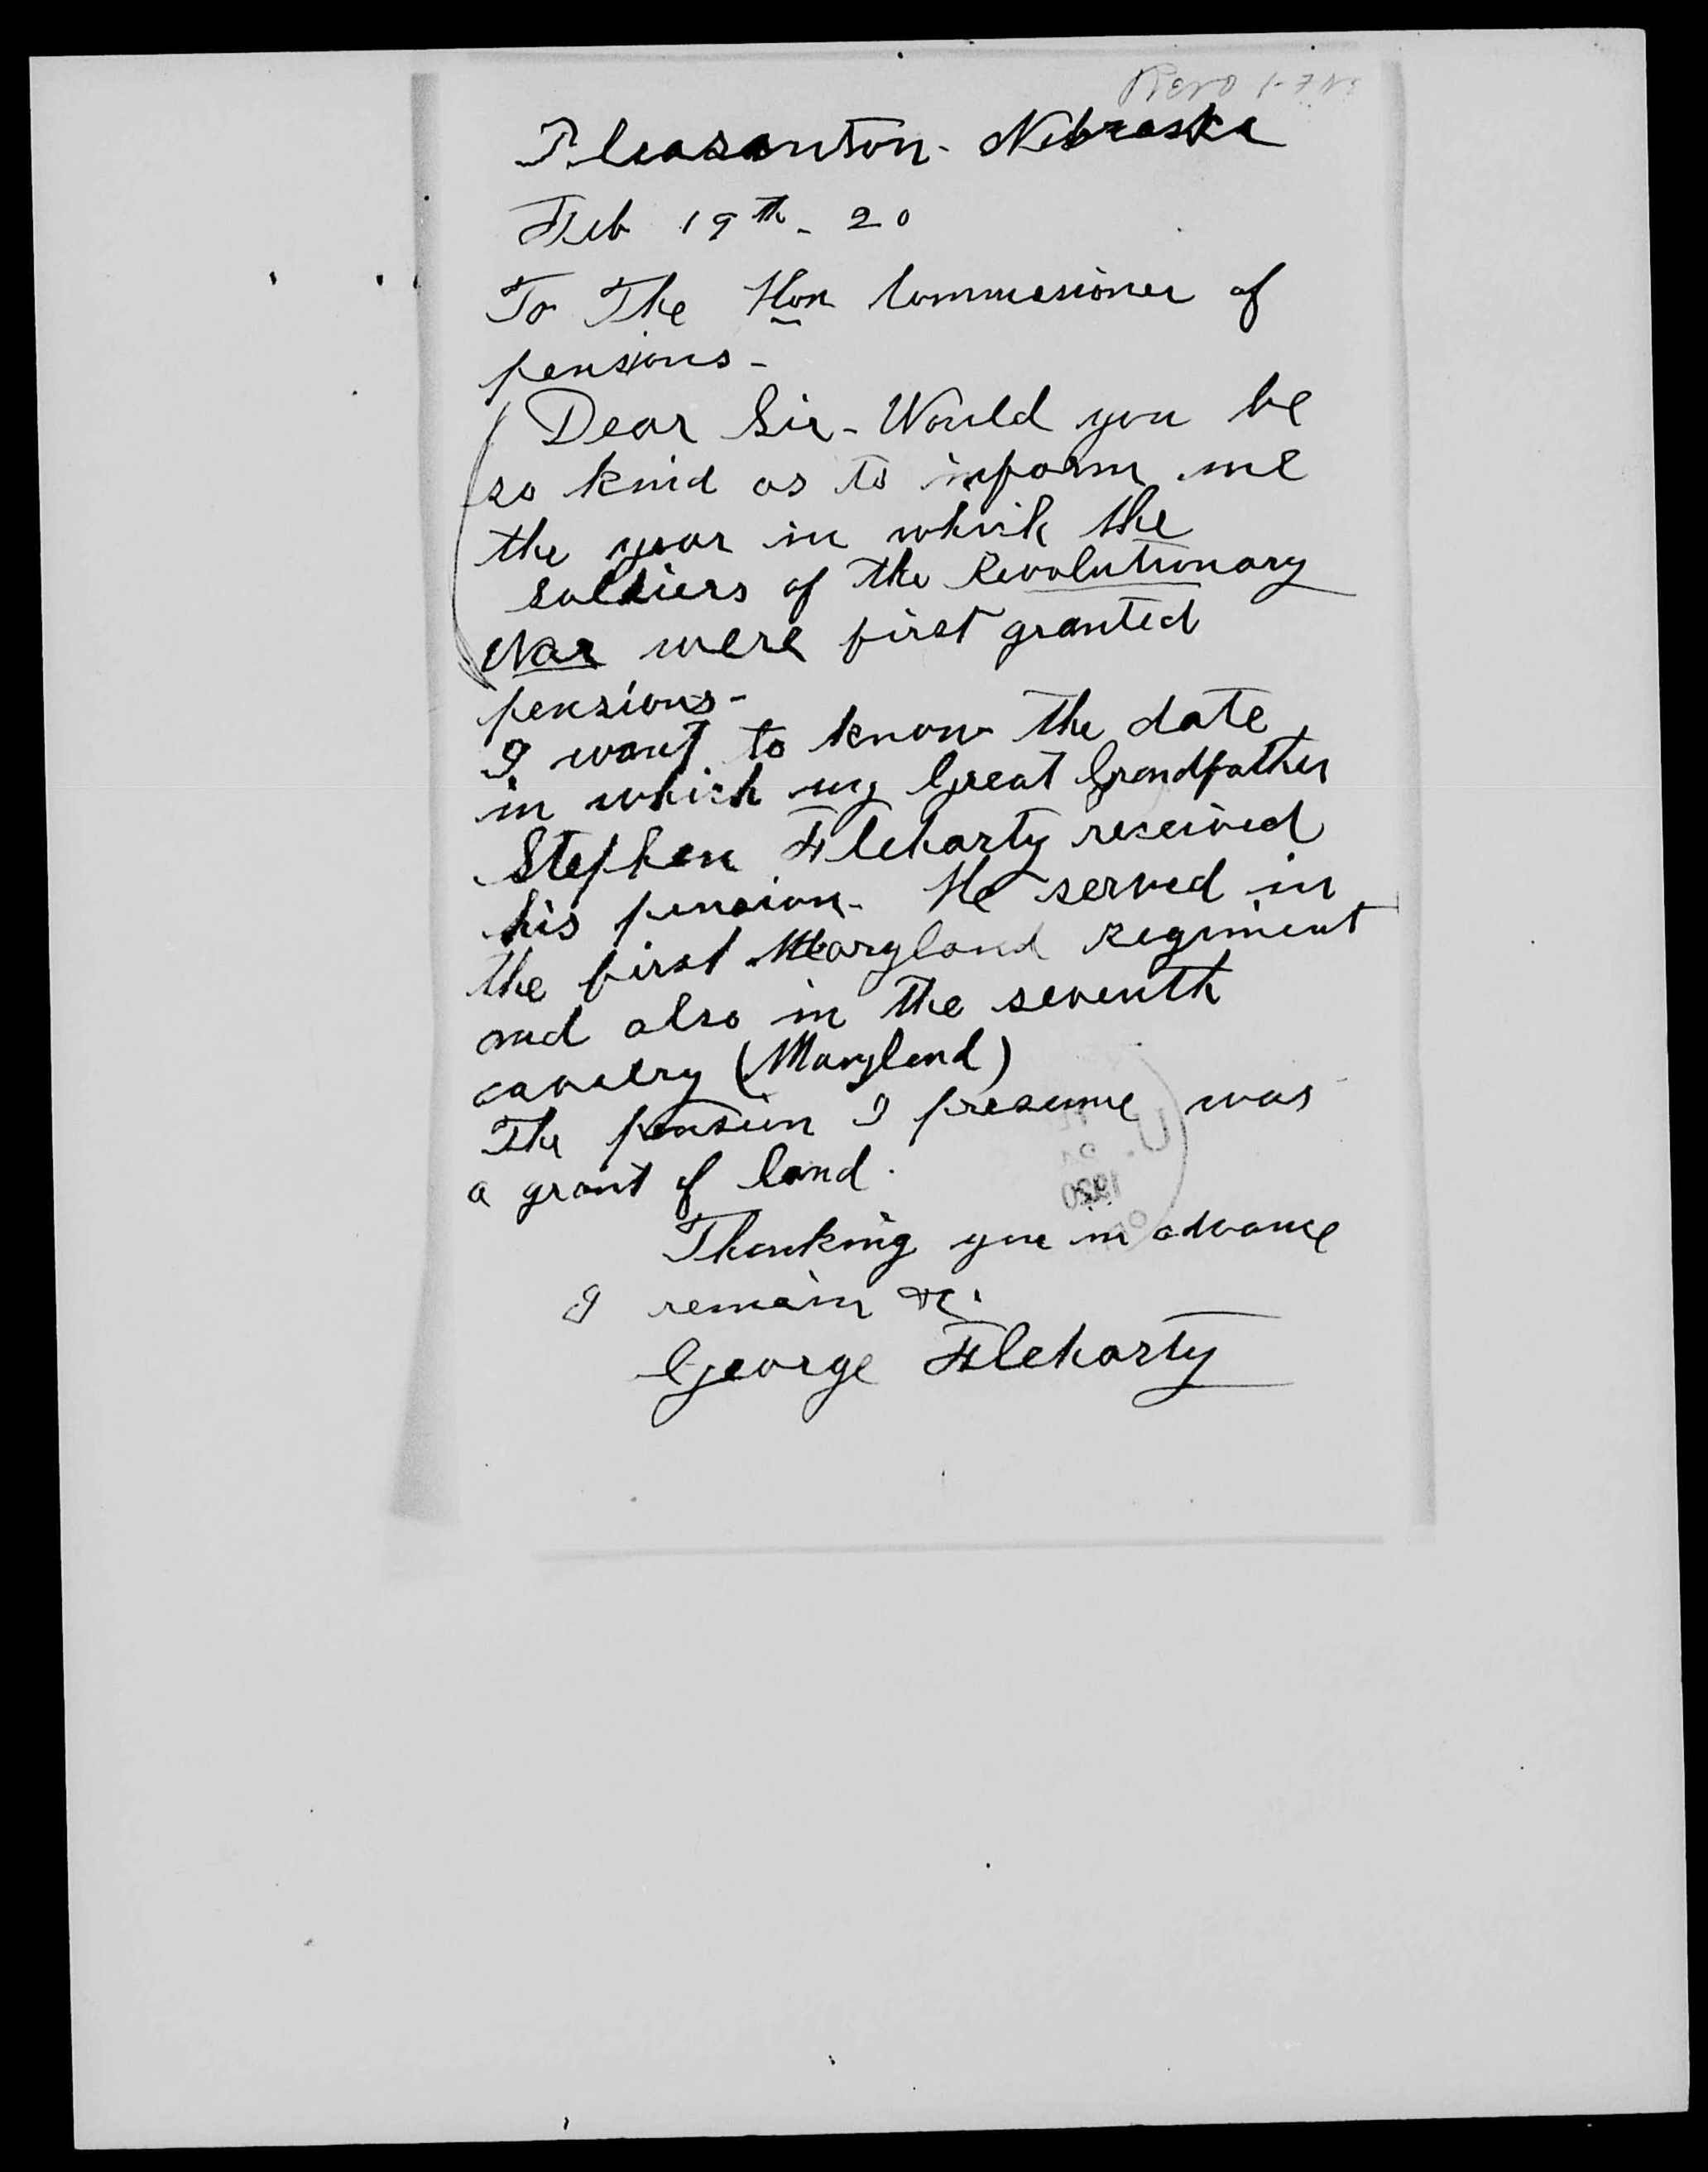Revo 1 – 7 yr
Pleasanton Nebraska Feb 19th – 20           
To the Hon Commission of pensions        
Dear Sir Would you be as kind as to inform and the year in which the soldiers of the Revolutionary War were first granted pensions         
I want to know the date in which my Great Greandfather Stephen Fleharty received his pension. He served in the first Maryland Regiment and also in the seventh cavalry (Maryland) The provision I presume was a grant of land T        
hanking you in advance I remain &c George Fleharty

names: George Fleharty, Stephen Fleharty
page: 11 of 14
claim: survivor's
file: S. 39529, Stephen Fleeharty, Md.